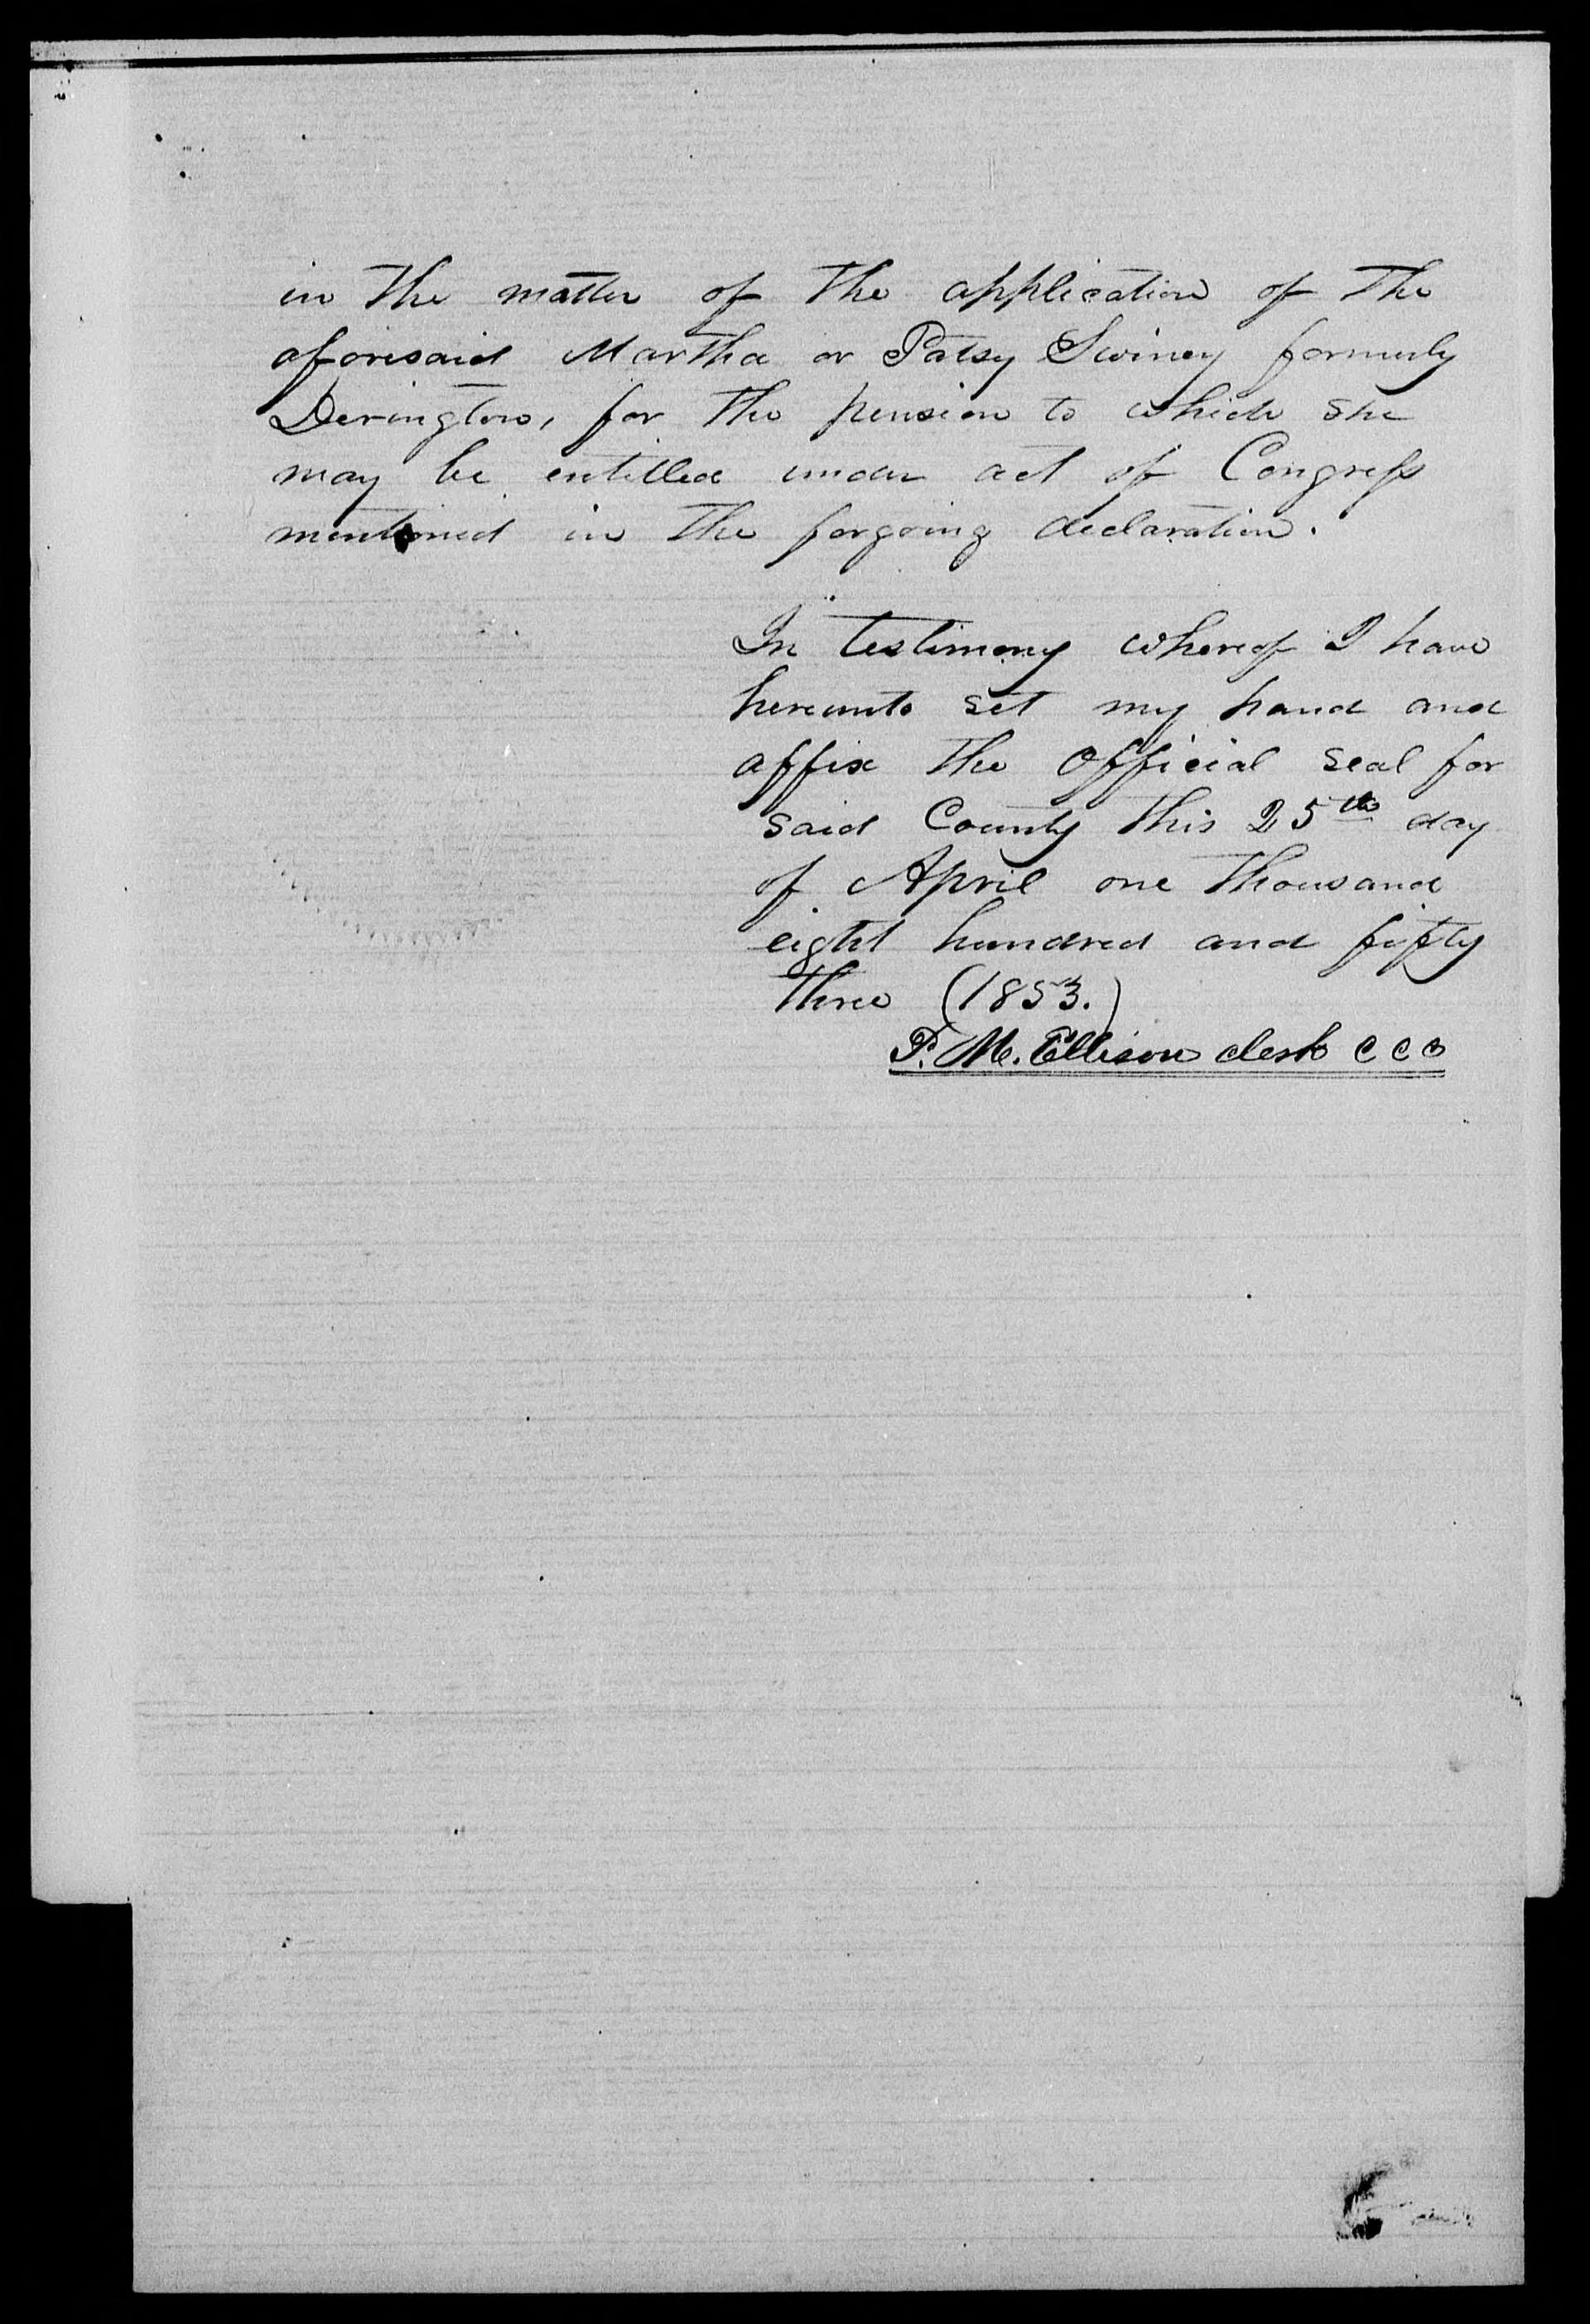in the matter of the application of the aforesaid Martha or Patsy Swiney formerly Denington, for the pension to which she may be entitled under act of Congress mentioned in the forgoing declaration.  

In testimony whereof I have here unto set my hand and affix the official seal for said County this 25th day of April one thousand and eight hundred and fifty three (1853)
P. M. Ellison clerk CCC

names: Derington, Martha Swiney, P M Ellison, Patsy Swiney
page: 12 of 51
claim: widow's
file: W. 27,409, William Dunnington, Md.